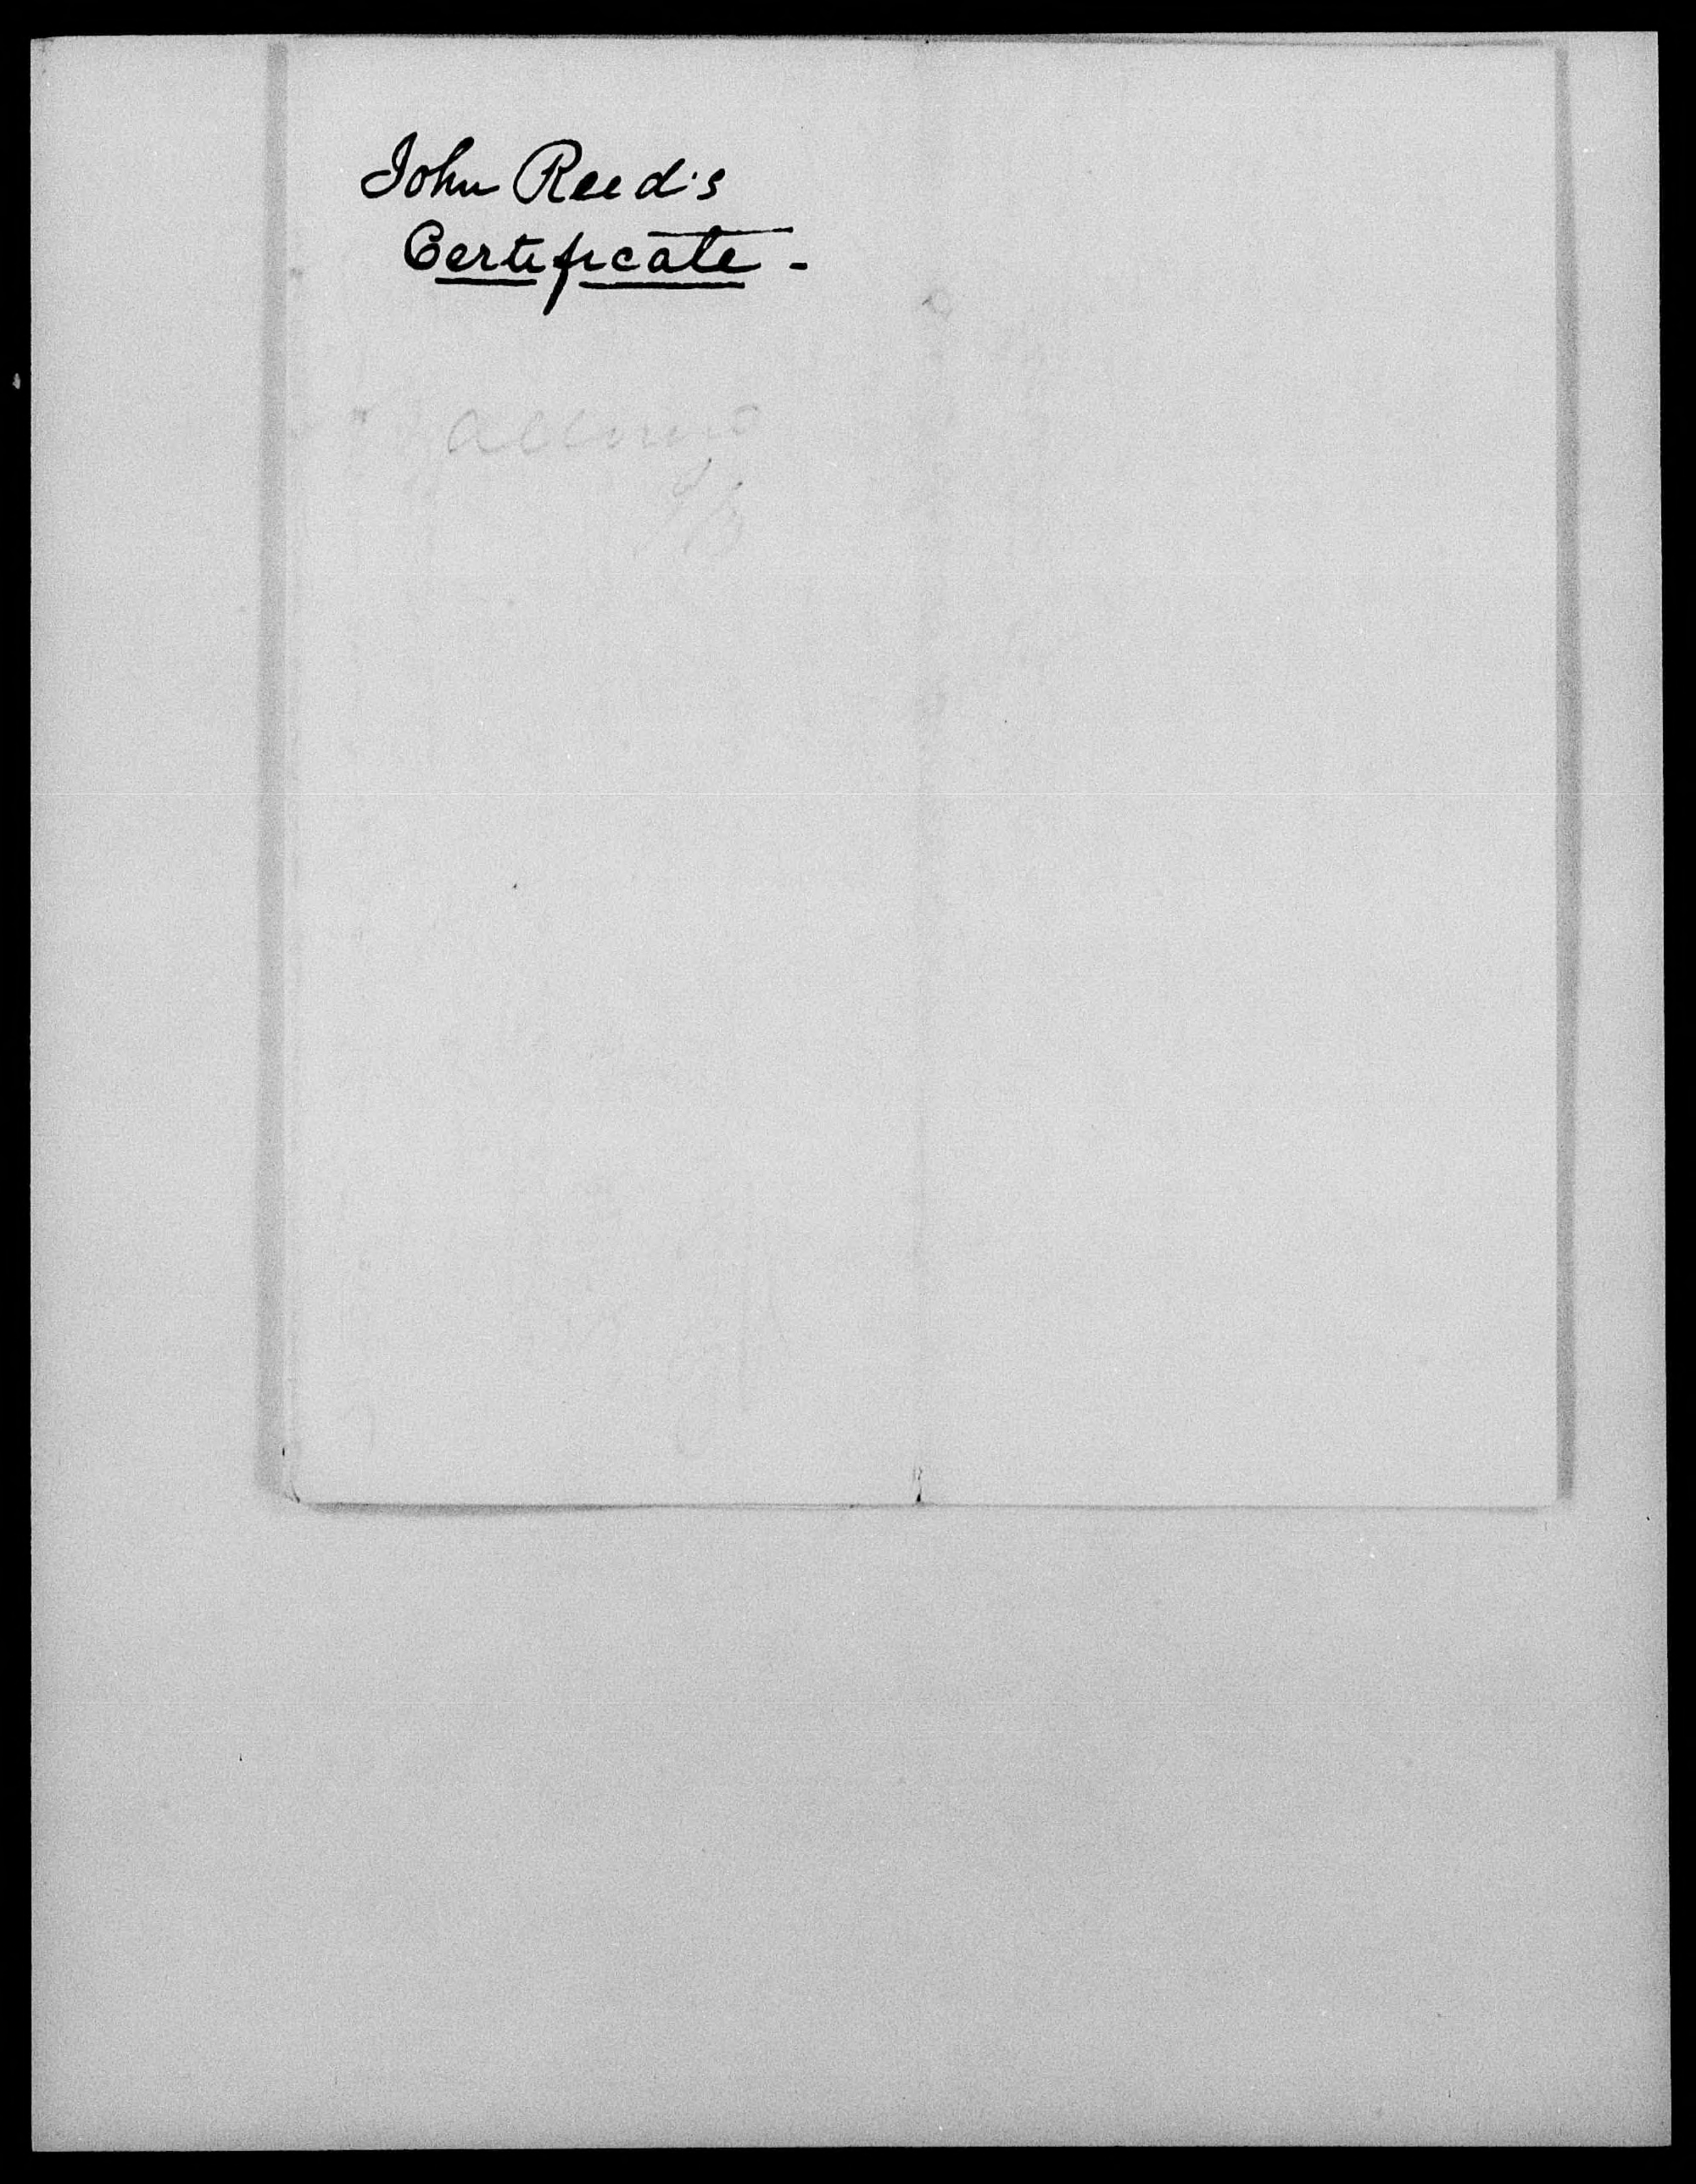John Reed's
Certificate-
Allowed
           JB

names: John Reed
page: 44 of 82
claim: widow's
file: W. 13,634, for Rufus Lincoln, Massachusetts